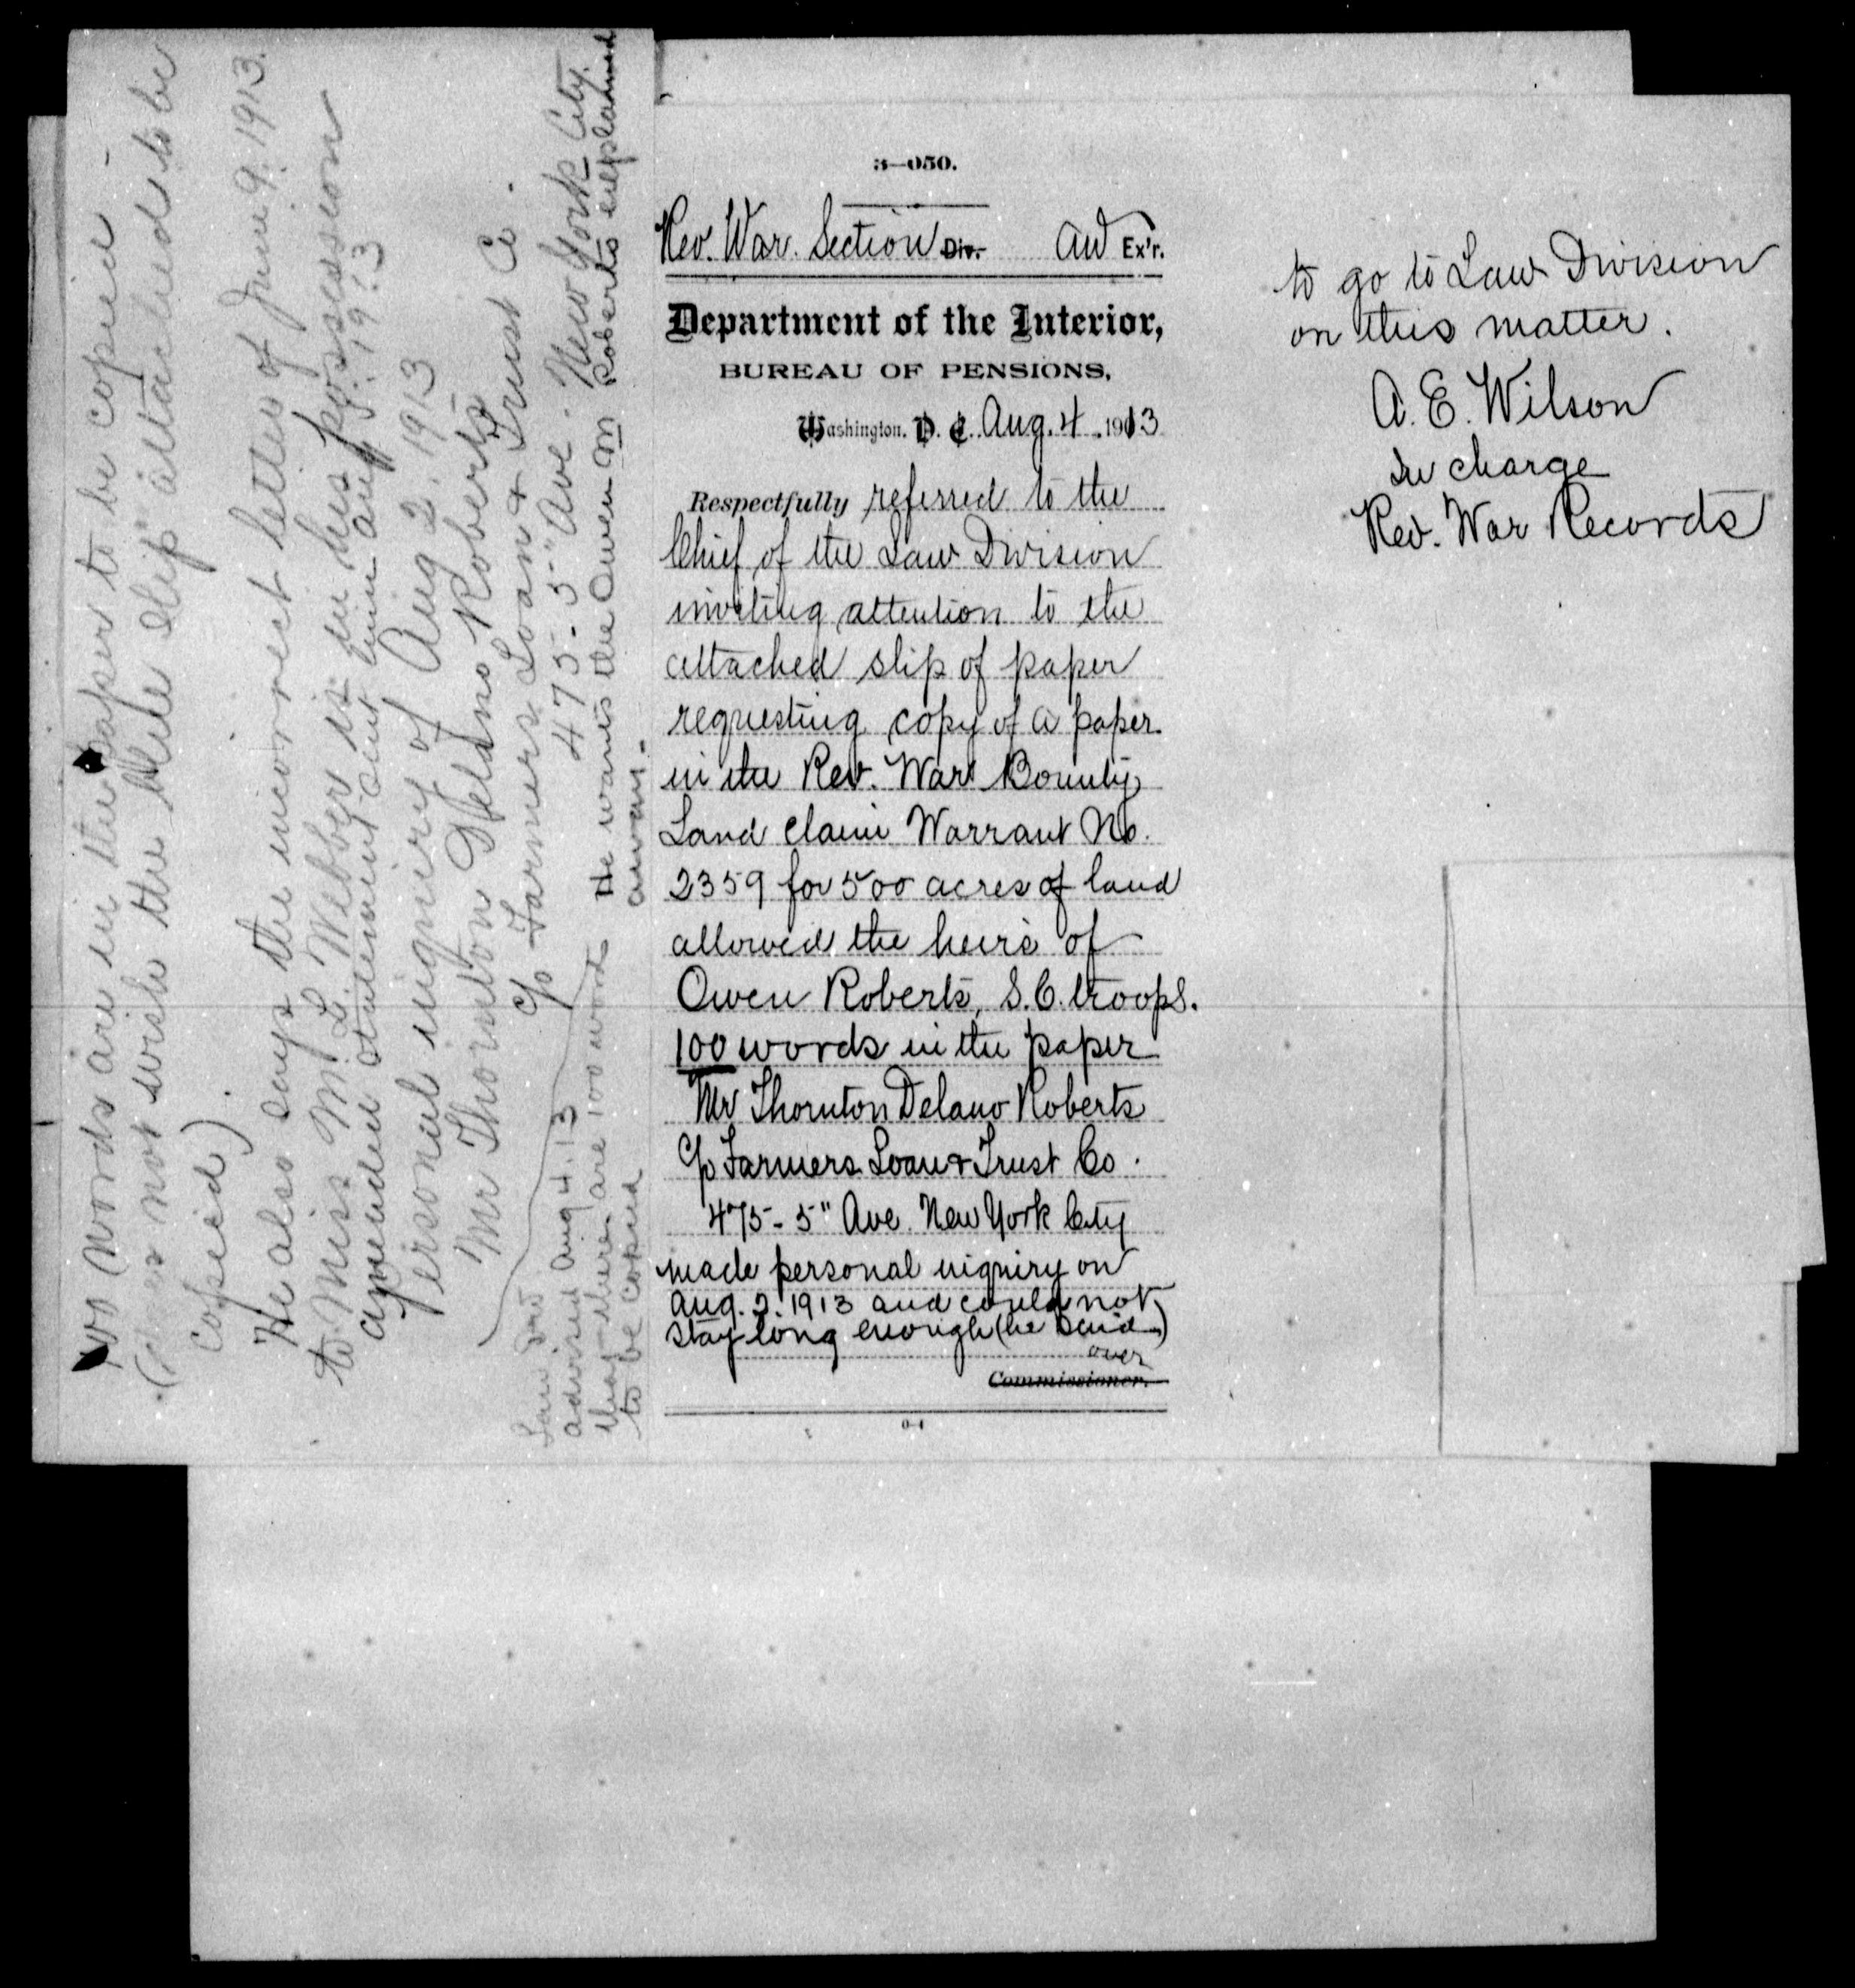[section on left written sideways is on page 51]

3-050.
--------
Rev. War Section  AW Ex'r.
------------------------------
Department of the Interior,
BUREAU OF PENSIONS,
Washington, D.C.   Aug. 4, 1913.

Respectfully referred to the 
Chief of the Law Division
inviting attention to the 
attached slip of paper
requesting copy of a paper
in the Rev. War Bounty
Land claim Warrant no.
2359 for 500 acres of land
allowed the heirs of 
Owen Roberts, S.C. troops.
100 words in the paper
Mr Thornton Delano Roberts
c/o Farmers Loan & Trust Co.
475 5" Ave. New York City
made personal inquiry on 
Aug. 2, 1913 and could not
stay long enough (he said)
over

[upper right]
to go to Law Division
on this matter.

A.E. Wilson
In charge
Rev. War Records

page: 52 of 59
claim: bounty land warrant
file: B.L.Wt. 2359-500, for Owen Roberts, South Carolina